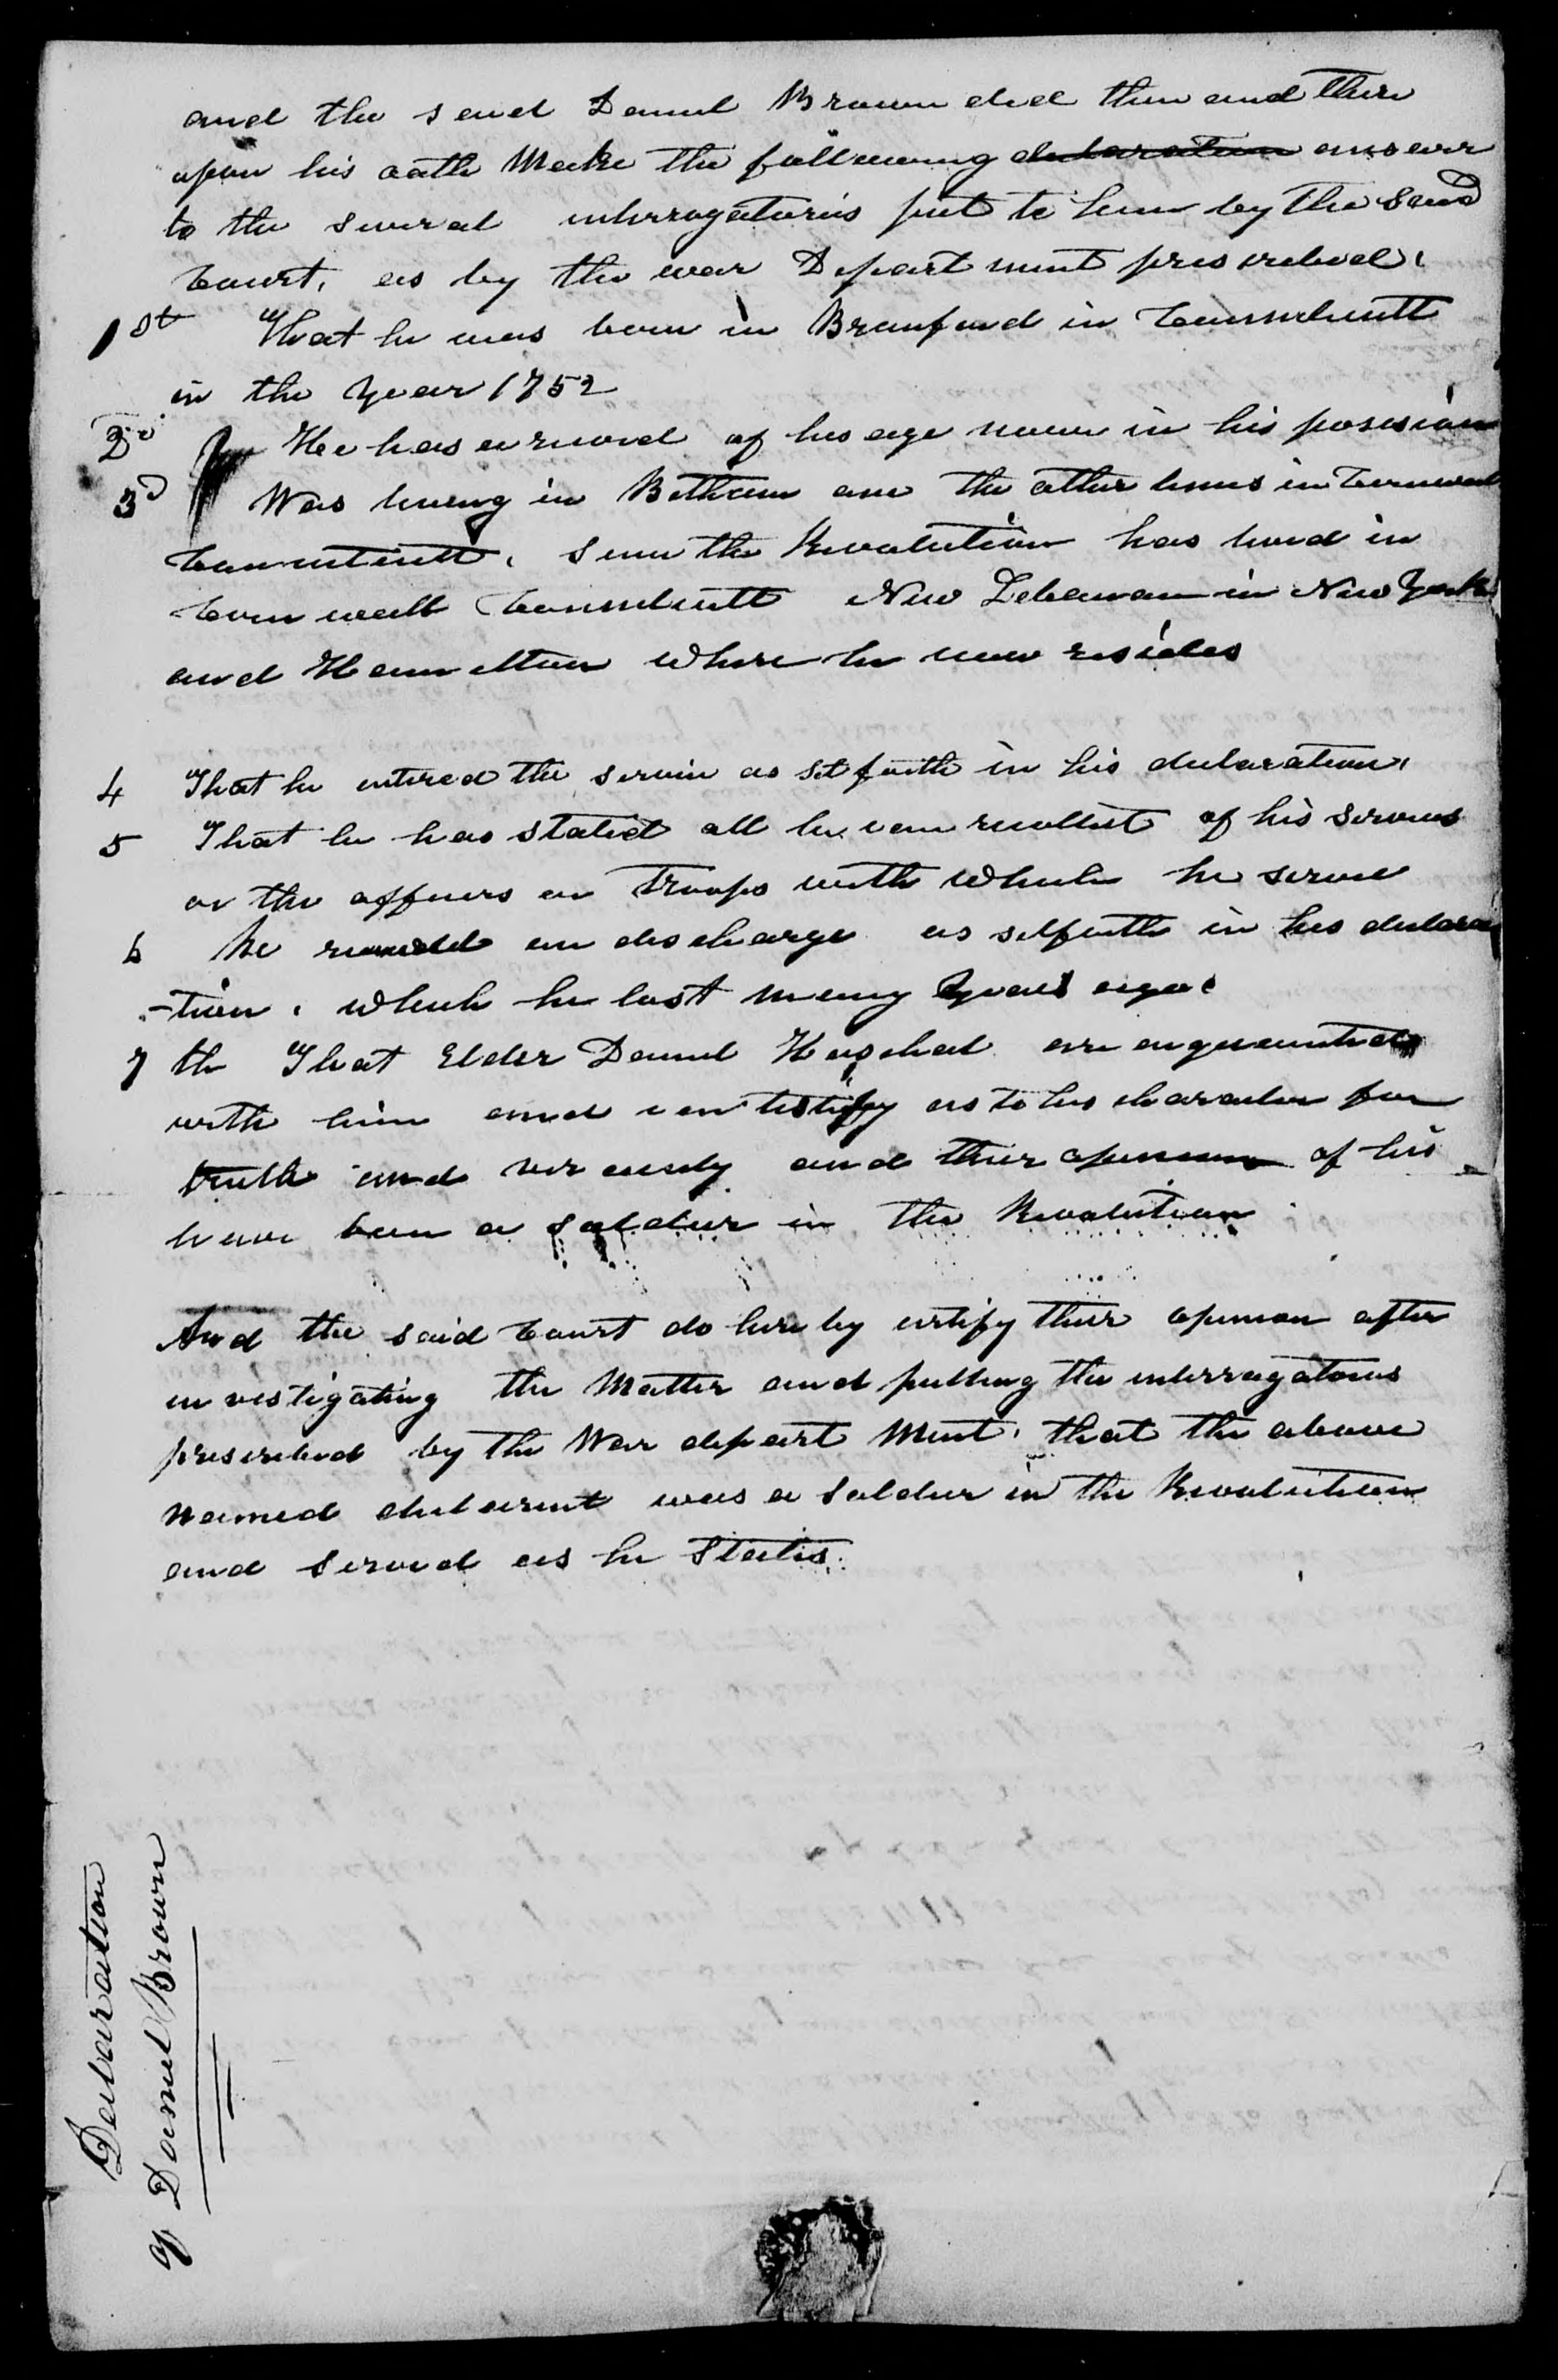and the said Daniel Brown then and there
upon his oath, make the following under
to the several interrogatories put to him by the said Court, as by the war Department prescribed that he was born in Branford in Connecticut in the year 1752, He has a record of his age name in his possession was living in Botham and the other times in Centennial, the Revolution has had in Cornwall at New Lebanon in New York and Hamilton, where he now resides of . That he entered the service as set forth in his declaration, That he has stated all he can recollect of his servant or the officers on troops with whom he served the record in discharge as set forth in his declaration, which he last many years eight The That Elder Daniel Haschal are acquainted with him and can testify as to his character for truth and verunty and their opinion of his have been a soldier in the Revolution And the said Court do hereby certify their opinion after investigating the matter and pulling the interrogatories prescribed by the war department, that the above named children was a solder in the Revolution and served as he states.
Declaration of Daniel Brown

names: Daniel Brown, Daniel Brown, Daniel Herschal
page: 7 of 37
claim: widow's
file: W. 20,787, Daniel Brown, Conn. Navy.